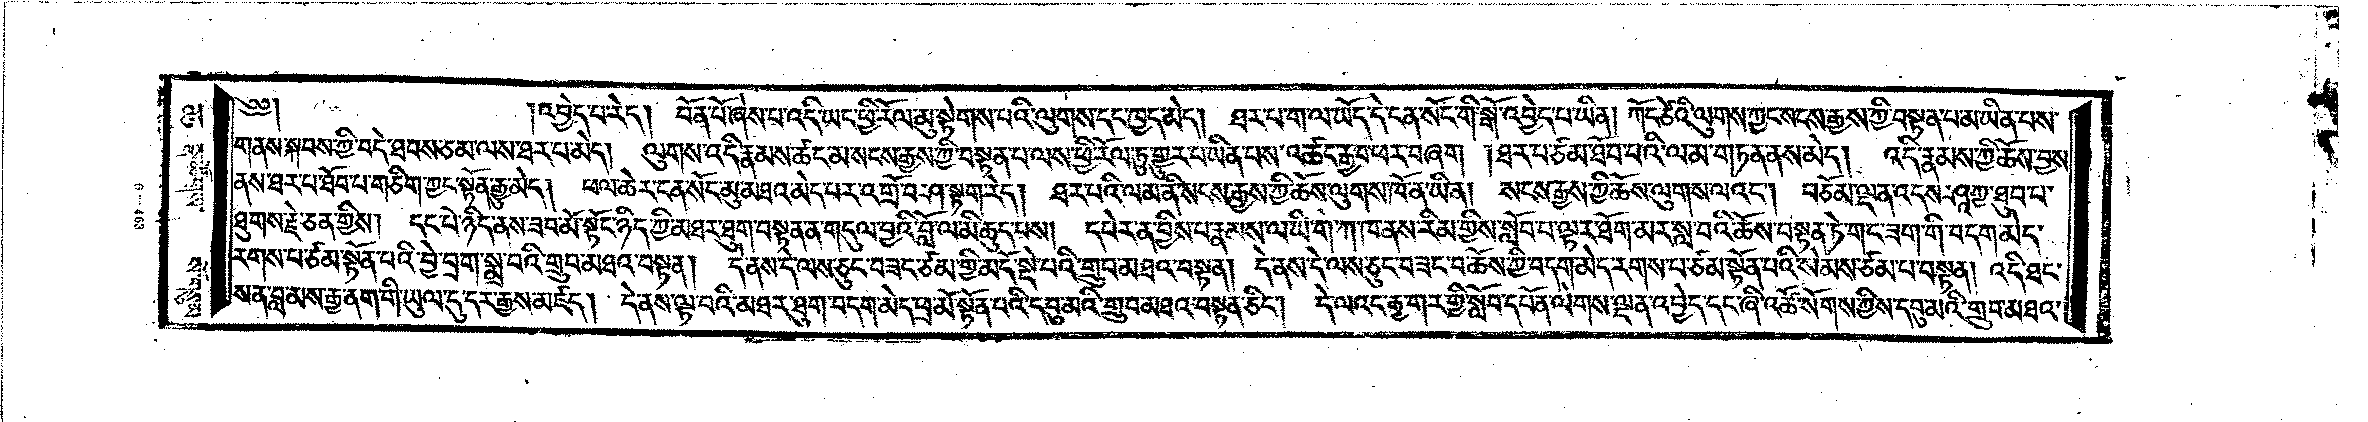༄༅། །འབྱེད་པ་རེད། བོན་པོ་ཞེས་པ་འདི་ཡང་ཕྱི་རོལ་མུ་སྟེགས་པའི་ལུགས་དང་ཁྱད་མེད། ཐར་པ་ག་ལ་ཡོད་དེ་ངན་སོང་གི་སྒོ་འབྱེད་པ་ཡིན། ཀོད་ཙེའི་ལུགས་ཀྱང་སངས་རྒྱས་ཀྱི་བསྟན་པ་མ་ཡིན་པས་
གནས་སྐབས་ཀྱི་བདེ་ཐབས་ཅམ་ལས་ཐར་པ་མེད། ལུགས་འདི་རྣམས་ཚང་མ་སངས་རྒྱས་ཀྱི་བསྟན་པ་ལས་ཕྱི་རོལ་ཏུ་གྱུར་པ་ཡིན་པས་འཚང་རྒྱབ་ཕར་བཞག །ཐར་པ་ཙམ་ཐོབ་པའི་ལམ་གཏན་ནས་མེད། འདི་རྣམས་ཀྱི་ཆོས་བྱས་
ནས་ཐར་པ་ཐོབ་པ་གཅིག་ཀྱང་སྟོན་རྒྱུ་མེད། ཕལ་ཆེར་ངན་སོང་མུ་མཐའ་མེད་པར་འགྲོ་བ་ཤ་སྟག་རེད། ཐར་པའི་ལམ་ནི་སངས་རྒྱས་ཀྱི་ཆོས་ལུགས་ཁོ་ན་ཡིན། སངས་རྒྱས་ཀྱི་ཆོས་ལུགས་ལའང་། བཅོམ་ལྡན་འདས་ཤཱཀྱ་ཐུབ་པ་
ཐུགས་རྗེ་ཅན་གྱིས། དང་པོ་ཉིད་ནས་ཟབ་མོ་སྟོང་ཉིད་ཀྱི་མཐར་ཐུག་བསྟན་ན་གདུལ་བྱའི་བློ་ལ་མི་ཆུད་པས། དཔེར་ན་བྱིས་པ་རྣམས་ལ་ཡི་གེ་ཀ་ཁ་ནས་རིམ་གྱིས་སློབ་པ་ལྟར་ཐོག་མར་སླ་བའི་ཆོས་བསྟན་ཏེ་གང་ཟག་གི་བདག་མེད་
རགས་པ་ཙམ་སྟོན་པའི་བྱེ་བྲག་སྨྲ་བའི་གྲུབ་མཐའ་བསྟན། དེ་ནས་དེ་ལས་ཅུང་བཟང་ཙམ་གྱི་མདོ་སྡེ་པའི་གྲུབ་མཐའ་བསྟན། དེ་ནས་དེ་ལས་ཅུང་བཟང་བ་ཆོས་ཀྱི་བདག་མེད་རགས་པ་ཙམ་སྟོན་པའི་སེམས་ཙམ་པ་བསྟན། འདི་ཐང་
སན་བླ་མས་རྒྱ་ནག་གི་ཡུལ་དུ་དར་རྒྱས་མཛད། དེ་ནས་ལྟ་བའི་མཐར་ཐུག་བདག་མེད་ཕྲ་མོ་སྟོན་པའི་དབུ་མའི་གྲུབ་མཐའ་བསྟན་ཅིང་། དེ་ལའང་རྒྱ་གར་གྱི་སློབ་དཔོན་ལེགས་ལྡན་འབྱེད་དང་ཞི་འཚོ་སོགས་ཀྱིས་དབུ་མའི་གྲུབ་མཐའ་